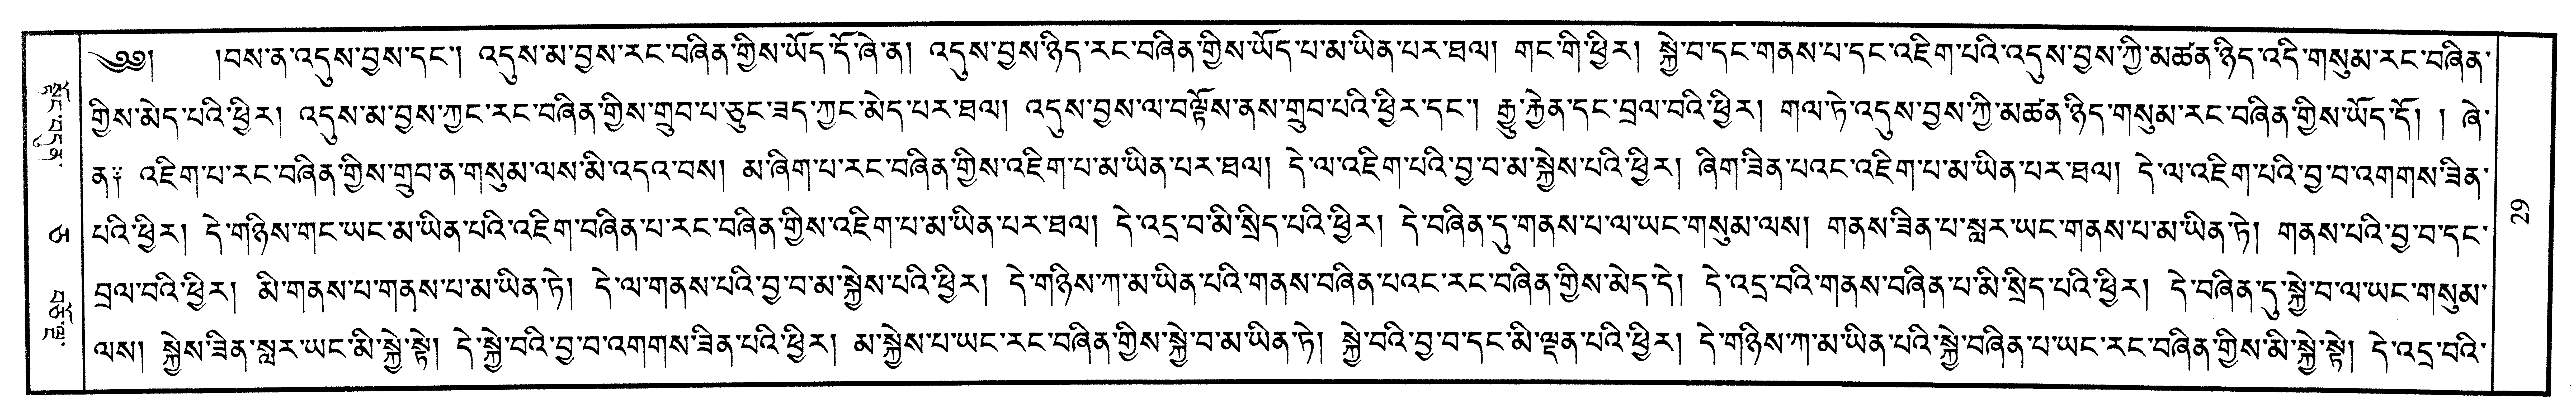༄༅། །བས་ན་འདུས་བྱས་དང་། འདུས་མ་བྱས་རང་བཞིན་གྱིས་ཡོད་དོ་ཞེ་ན། འདུས་བྱས་ཉིད་རང་བཞིན་གྱིས་ཡོད་པ་མ་ཡིན་པར་ཐལ། གང་གི་ཕྱིར། སྐྱེ་བ་དང་གནས་པ་དང་འཇིག་པའི་འདུས་བྱས་ཀྱི་མཚན་ཉིད་འདི་གསུམ་རང་བཞིན་
གྱིས་མེད་པའི་ཕྱིར། འདུས་མ་བྱས་ཀྱང་རང་བཞིན་གྱིས་གྲུབ་པ་ཅུང་ཟད་ཀྱང་མེད་པར་ཐལ། འདུས་བྱས་ལ་བལྟོས་ནས་གྲུབ་པའི་ཕྱིར་དང་། རྒྱུ་རྐྱེན་དང་བྲལ་བའི་ཕྱིར། གལ་ཏེ་འདུས་བྱས་ཀྱི་མཚན་ཉིད་གསུམ་རང་བཞིན་གྱིས་ཡོད་དོ། །ཞེ་
ན༑ འཇིག་པ་རང་བཞིན་གྱིས་གྲུབ་ན་གསུམ་ལས་མི་འདའ་བས། མ་ཞིག་པ་རང་བཞིན་གྱིས་འཇིག་པ་མ་ཡིན་པར་ཐལ། དེ་ལ་འཇིག་པའི་བྱ་བ་མ་སྐྱེས་པའི་ཕྱིར། ཞིག་ཟིན་པའང་འཇིག་པ་མ་ཡིན་པར་ཐལ། དེ་ལ་འཇིག་པའི་བྱ་བ་འགགས་ཟིན་
པའི་ཕྱིར། དེ་གཉིས་གང་ཡང་མ་ཡིན་པའི་འཇིག་བཞིན་པ་རང་བཞིན་གྱིས་འཇིག་པ་མ་ཡིན་པར་ཐལ། དེ་འདྲ་བ་མི་སྲིད་པའི་ཕྱིར། དེ་བཞིན་དུ་གནས་པ་ལ་ཡང་གསུམ་ལས། གནས་ཟིན་པ་སླར་ཡང་གནས་པ་མ་ཡིན་ཏེ། གནས་པའི་བྱ་བ་དང་
བྲལ་བའི་ཕྱིར། མི་གནས་པ་གནས་པ་མ་ཡིན་ཏེ། དེ་ལ་གནས་པའི་བྱ་བ་མ་སྐྱེས་པའི་ཕྱིར། དེ་གཉིས་ཀ་མ་ཡིན་པའི་གནས་བཞིན་པའང་རང་བཞིན་གྱིས་མེད་དེ། དེ་འདྲ་བའི་གནས་བཞིན་པ་མི་སྲིད་པའི་ཕྱིར། དེ་བཞིན་དུ་སྐྱེ་བ་ལ་ཡང་གསུམ་
ལས། སྐྱེས་ཟིན་སླར་ཡང་མི་སྐྱེ་སྟེ། དེ་སྐྱེ་བའི་བྱ་བ་འགགས་ཟིན་པའི་ཕྱིར། མ་སྐྱེས་པ་ཡང་རང་བཞིན་གྱིས་སྐྱེ་བ་མ་ཡིན་ཏེ། སྐྱེ་བའི་བྱ་བ་དང་མི་ལྡན་པའི་ཕྱིར། དེ་གཉིས་ཀ་མ་ཡིན་པའི་སྐྱེ་བཞིན་པ་ཡང་རང་བཞིན་གྱིས་མི་སྐྱེ་སྟེ། དེ་འདྲ་བའི་